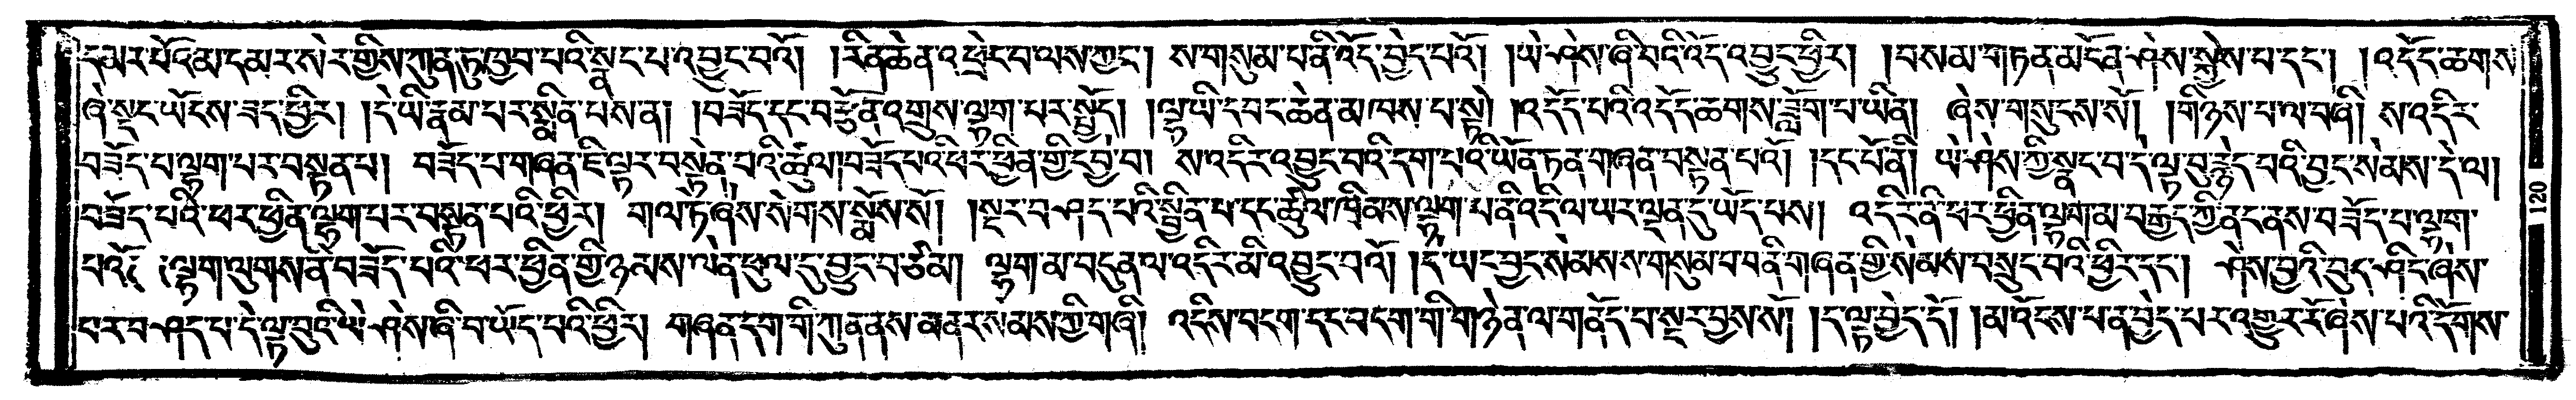དམར་པོ་འམ་དམར་སེར་གྱིས་ཀུན་ཏུ་ཁྱབ་པའི་སྣང་བ་འབྱུང་བའོ། །རིན་ཆེན་འཕྲེང་བ་ལས་ཀྱང་། ས་གསུམ་པ་ནི་འོད་བྱད་པའོ། །ཡེ་ཤེས་ཞི་བའི་འོད་འབྱུང་ཕྱིར། །བསམ་གཏན་མངོན་ཤེས་སྐྱེས་པ་དང་། །འདོད་ཆགས་
ཞེ་སྡང་ཡོངས་ཟད་ཕྱིར། །དེ་ཡི་རྣམ་པར་སྨིན་པས་ན། །བཟོད་དང་བརྩོན་འགྲུས་ལྷག་པར་སྤྱོད། །ལྷ་ཡི་དབང་ཆེན་མཁས་པ་སྟེ། །འདོད་པའི་འདོད་ཆགས་ཟློག་པ་ཡིན། ཞེས་གསུངས་སོ། །གཉིས་པ་ལ་བཞི། ས་འདིར་
བཟོད་པ་ལྷག་པར་བསྟན་པ། བཟོད་པ་གཞན་ཇི་ལྟར་བསྟེན་པའི་ཚུལ། བཟོད་པའི་ཕར་ཕྱིན་གྱི་དབྱེ་བ། ས་འདིར་འབྱུང་བའི་དག་པའི་ཡོན་ཏན་གཞན་བསྟན་པའོ། །དང་པོ་ནི། ཡེ་ཤེས་ཀྱི་སྣང་བ་དེ་ལྟ་བུ་རྙེད་པའི་བྱང་སེམས་དེ་ལ།
བཟོད་པའི་ཕར་ཕྱིན་ལྷག་པར་བསྟན་པའི་ཕྱིར། གལ་ཏེ་ཞེས་སོགས་སྨོས་སོ། །སྔར་བཤད་པའི་སྦྱིན་པ་དང་ཚུལ་ཁྲིམས་ལྷག་པ་ནི་འདི་ལ་ཡར་ལྡན་དུ་ཡོད་པས། འདིར་ནི་ཕར་ཕྱིན་ལྷག་མ་བརྒྱད་ཀྱི་ནང་ནས་བཟོད་པ་ལྷག་
པའོ༑ ༑ལྷག་ལུགས་ནི་བཟོད་པའི་ཕར་ཕྱིན་གྱི་ཉམས་ལེན་ཕུལ་དུ་བྱུང་བ་ཙམ། ལྷག་མ་བདུན་ལ་འདིར་མི་འབྱུང་བའོ། །དེ་ཡང་བྱང་སེམས་ས་གསུམ་པ་བ་ནི་གཞན་གྱི་སེམས་བསྲུང་བའི་ཕྱིར་དང་། ཤེས་བྱའི་བུད་ཤིང་ཞེས་
པར་བཤད་པ་དེ་ལྟ་བུའི་ཡེ་ཤེས་ཞི་བ་ཡོད་པའི་ཕྱིར། གཞན་དག་གི་ཀུན་ནས་མནར་སེམས་ཀྱི་གཞི། འདིས་བདག་དང་བདག་གི་གཉེན་ལ་གནོད་པ་སྔར་བྱས་སོ། །དེ་ལྟ་བྱེད་དོ། །མ་འོངས་པ་ན་བྱེད་པར་འགྱུར་རོ་ཞེས་པའི་དོགས་